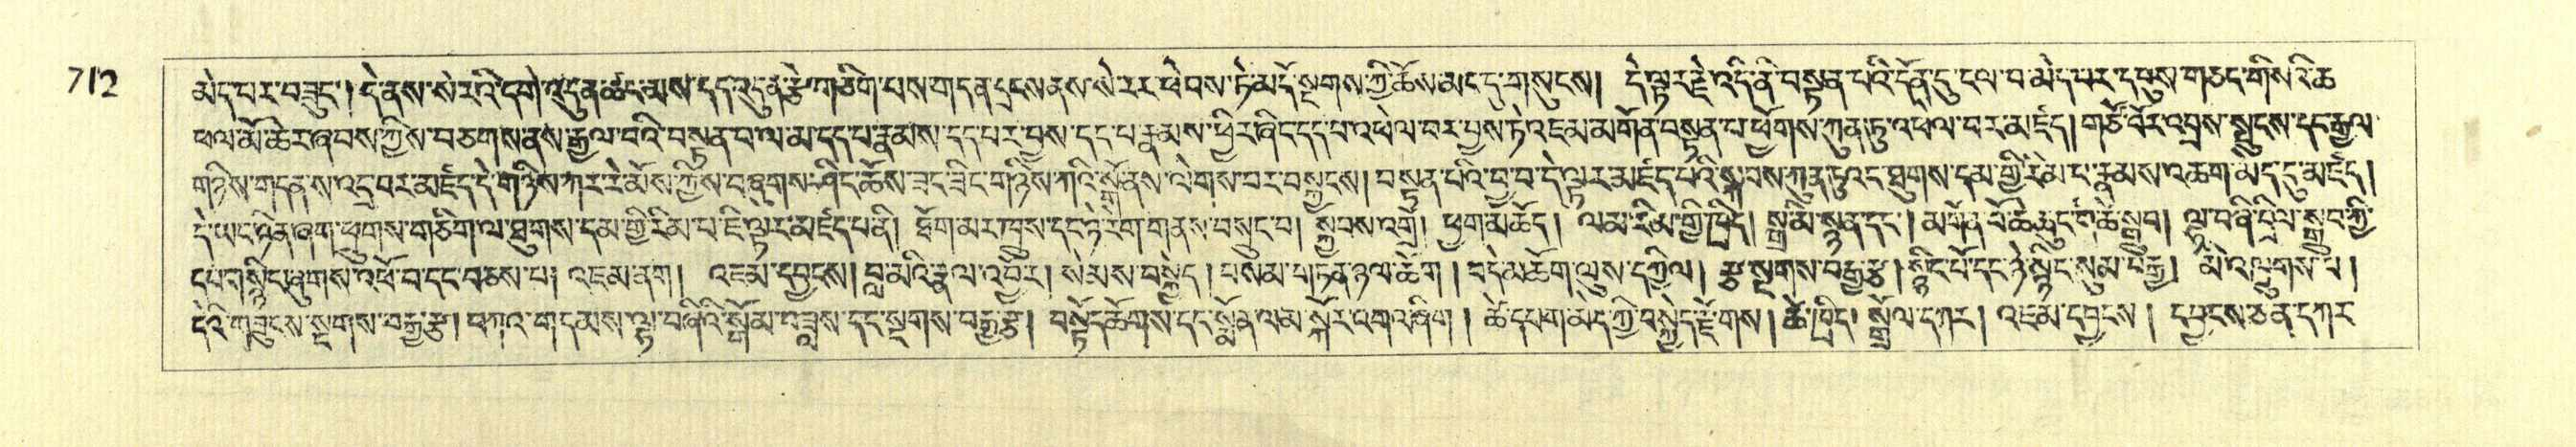མེད་པར་བཟུང་། དེ་ནས་སེ་རའི་དགེ་འདུན་ཚང་མས་དད་འདུན་རྩེ་གཅིག་པས་གདན་དྲངས་ནས་སེ་རར་ཕེབས་ཏེ་མདོ་སྔགས་ཀྱི་ཆོས་མང་དུ་གསུངས། དེ་ལྟར་རྗེ་འདི་ནི་བསྟན་པའི་དོན་དུ་ངལ་བ་མེད་པར་དབུས་གཅང་གི་སའི་ཆ་
ཕལ་མོ་ཆེར་ཞབས་ཀྱིས་བཅགས་ནས་རྒྱལ་བའི་བསྟན་བ་ལ་མ་དད་པ་རྣམས་དད་པར་བྱས་དང་པ་རྣམས་ཕྱིར་ཞིང་དད་པ་འཕེལ་བར་བྱས་ཏེ་འཇམ་མགོན་བསྟན་པ་ཕྱོགས་ཀུན་ཏུ་འཕེལ་བར་མཛད། གཙོ་བོར་འབྲས་སྤུངས་དང་རྒྱལ་
གཉིས་གདན་ས་འདྲ་བར་མཛད་དེ་གཉིས་ཀར་རེ་མོས་ཀྱིས་བཞུགས་ཤིང་ཆོས་ཟང་ཟིང་གཉིས་ཀའི་སྒོ་ནས་ལེགས་བར་བསྐྱངས། བསྟན་པའི་བྱ་བ་དེ་ལྟར་མཛད་པའི་སྐབས་ཀུན་ཏུའང་ཐུགས་དམ་གྱི་རིམ་པ་རྣམས་འཆག་མེད་དུ་མཛད།
དེ་ཡང་ཉིན་ཞག་ཕྲུགས་གཅིག་ལ་ཐུགས་དམ་གྱི་རིམ་པ་ཇི་ལྟར་མཛད་པ་ནི། ཐོག་མར་ཁྲུས་དང་ཉེ་རེག་གནས་བསྲུང་བ། སྐྱབས་འགྲོ། ཕྱག་མཆོད། ལམ་རིམ་གྱི་ཁྲིད། སྒྲ་མི་སྙན་དང་། མགོན་པོ་ཆེ་ཆུང་གི་ཚེ་སྒྲུབ། ལྷ་བཞི་བྲིལ་སྒྲུབ་ཀྱི་
དཔག་སྙིང་ཞུགས་འཕོ་བ་དང་བཅས་པ། འཇམ་ནག། འཇམ་དབྱངས། བླ་མའི་རྣལ་འབྱོར། སེམས་བསྐྱེད། བསམ་གཏན་ཉལ་ཆོག། བདེ་མཆོག་ལུས་དཀྱིལ། རྩ་སྔགས་བརྒྱ་རྩ། སྙིང་པོ་དང་ཉེ་སྙིང་སུམ་བརྒྱ། མི་འཁྲུགས་པ།
དེའི་གཟུངས་སྔགས་བརྒྱ་རྩ། བཀའ་གདམས་ལྷ་བཞིའི་སྒོམ་བཟླས་དང་སྔགས་བརྒྱ་རྩ། བསྟོད་ཆོགས་དང་སྨོན་ལམ་སྐོར་འགའ་ཞིག། ཚེ་དཔག་མེད་ཀྱི་བསྐྱེད་ཀྱི་བསྐྱེད་རྫོགས། ཚེ་ཁྲིད། སྒྲོལ་དཀར། འཇམ་དབྱངས། དབྱངས་ཅན་དཀར་